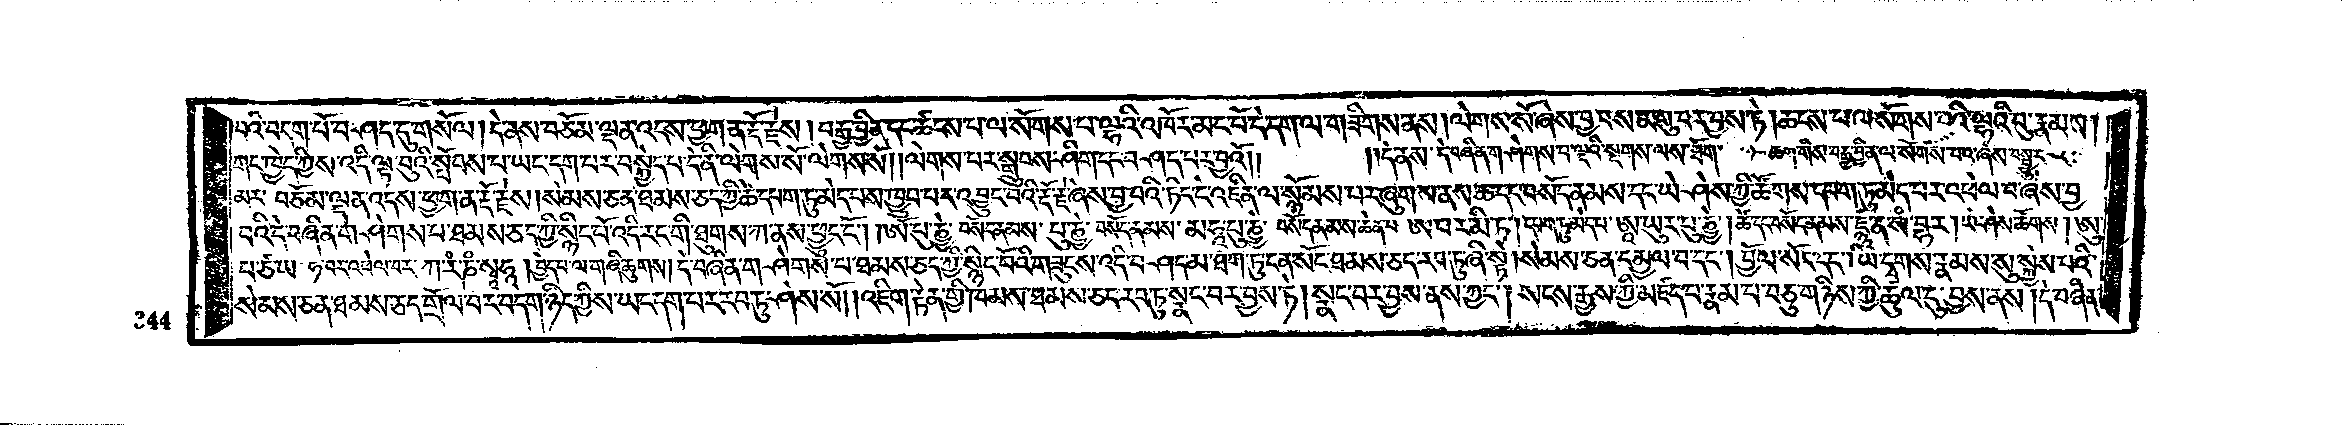བའི་བདག་པོ་བཤད་དུ་གསོལ། དེ་ནས་བཅོམ་ལྡན་འདས་ཕྱག་ན་རྡོ་རྗེས། བརྒྱ་བྱིན་དང་ཚངས་པ་ལ་སོགས་པ་ལྷའི་འཁོར་མང་པོ་དེ་དག་ལ་གཟིགས་ནས། ལེགས་སོ་ཞེས་བྱ་བས་མགུ་བར་བྱས་ཏེ། ཚངས་པ་ལ་སོགས་པའི་ལྷའི་བུ་རྣམས། །
གང་ཁྱེད་ཀྱིས་འདི་ལྟ་བུའི་སྤོབས་པ་ཡང་དག་པར་བསྐྱེད་པ་དེ་ནི་ལེགས་སོ་ལེགས་སོ། །ལེགས་པར་སྒྲུབས་ཤིག་དང་བཤད་པར་བྱའོ།། །།དེ་ནས་དེ་བཞིན་གཤེགས་པ་ལྔའི་སྔགས་ལས་ཐོགH ཆག་གི་བརྒྱ་བྱིན་ལ་སོགས་པའི་ཞེས་བསྒྱུར་
མང་བཅོམ་ལྡན་འདས་ཕྱག་ན་རྡོ་རྗེས། སེམས་ཅན་ཐམས་ཅད་ཀྱི་ཚེ་དཔག་ཏུ་མེད་པས་ཁྱབ་པར་འབྱུང་བའི་རྡོ་རྗེ་ཞེས་བྱ་བའི་ཏིང་ངེ་འཛིན་ལ་སྙོམས་པར་ཞུགས་ནས་ཆེ་དང་བསོད་ནམས་དང་ཡེ་ཤེས་ཀྱི་ཚོགས་དཔག་ཏུ་མེད་པར་འཕེལ་བ་ཞེས་བྱ་
བའི་དེ་བཞིན་གཤེགས་པ་ཐམས་ཅད་ཀྱི་སྙིང་པོ་འདི་རང་གི་ཐུགས་ཀ་ནས་ཕྱུང་ངོ། །ཨོཾ་པུ་ཎྱེ་བསོད་ནམས་པུ་ཎྱེ་བསོད་ནམས་མཧཱ་པུ་ཎྱེ་བསོད་ནམས་ཆེན་པ་ཨ་པ་ར་མི་ཏ། དཔག་ཏུ་མེད་པ་ཨཱ་ཡུར་པུ་ཎྱེ། ཚེ་དང་བསོད་ནམས་ཛྙཱ་ན་སཾ་བྷ་ར། ཡེ་ཤེས་ཚོགས། ཨུ་
པ་ཙ་ཡ་ཉེ་བར་འཕེལ་བར་ཀ་རི་ཎམ་སྭཧཱ། བྱེད་པ་ལ་གཞི་ཆུགས། དེ་བཞིན་གཤེགས་པ་ཐམས་ཅད་ཀྱི་སྙིང་པོའི་གཟུངས་འདི་བཤད་མ་ཐག་ཏུ་ངན་སོང་ཐམས་ཅད་རབ་ཏུ་ཞི་སྟེ། སེམས་ཅན་དམྱལ་བ་དང་། བྱོལ་སོང་དང་། ཡི་དྭགས་རྣམས་སུ་སྐྱེས་པའི་
སེམས་ཅན་ཐམས་ཅད་གྲོལ་བར་བདག་ཉིད་ཀྱིས་ཡང་དག་པར་རབ་ཏུ་ཤེས་སོ། །འཇིག་རྟེན་གྱི་ཁམས་ཐམས་ཅད་རབ་ཏུ་སྣང་བར་བྱས་ཏེ། སྣང་བར་བྱས་ནས་ཀྱང་། སངས་རྒྱས་ཀྱི་མཛད་པ་རྣམ་པ་བཅུ་གཉིས་ཀྱི་ཚུལ་དུ་བྱས་ནས། དེ་བཞིན་